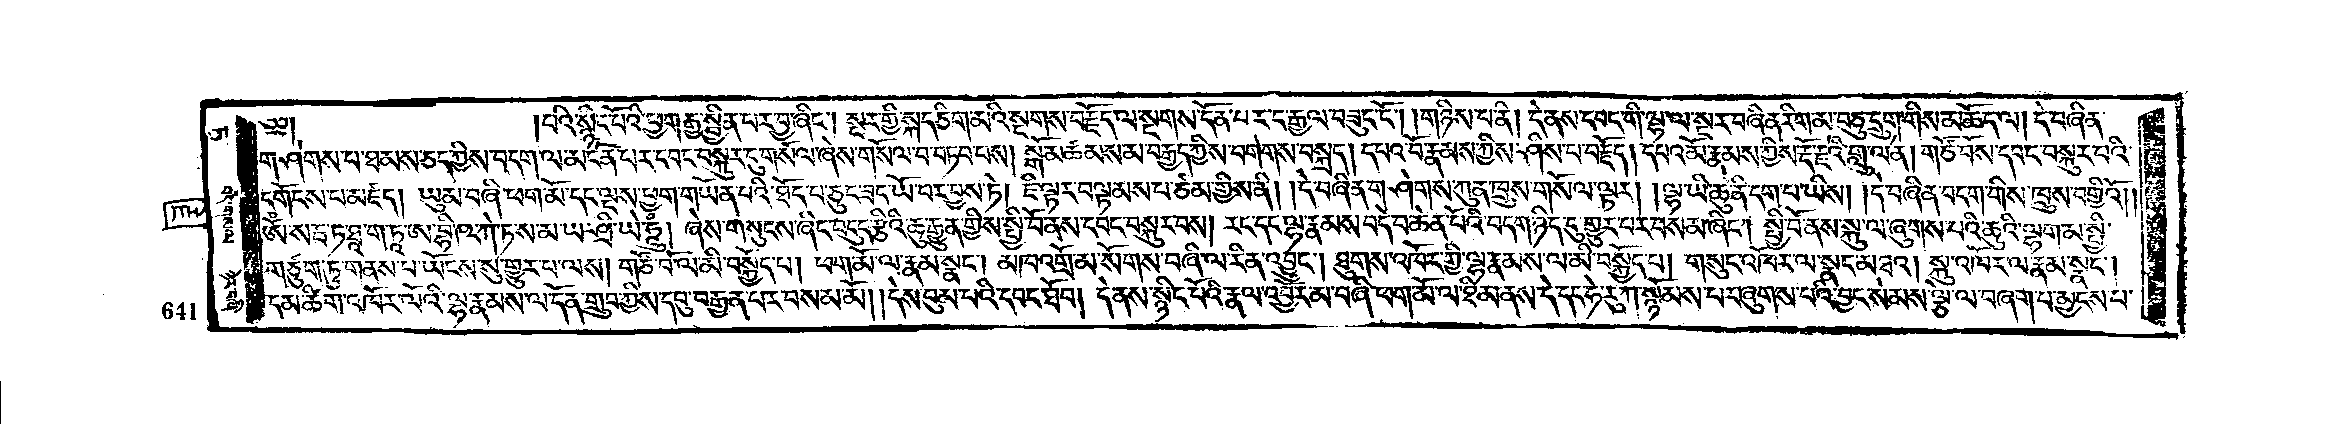༄༅། །པའི་སྙིང་པོའི་ཕྱག་རྒྱ་སྦྱིན་པར་བྱ་ཞིང་། སྔར་གྱི་སྐད་ཅིག་མའི་སྔགས་བརྗོད་ལ་སྔགས་དོན་ལྟར་ང་རྒྱལ་བཟུང་ངོ། །གཉིས་པ་ནི། དེ་ནས་དབང་གི་ལྷ་ལ་སྔར་བཞིན་རིག་མ་བཅུ་དྲུག་གིས་མཆོད་ལ། དེ་བཞིན་
གཤེགས་པ་ཐམས་ཅད་ཀྱིས་བདག་ལ་མངོན་པར་དབང་བསྐུར་དུ་གསོལ་ཞེས་གསོལ་བ་བཏབ་པས། སྒོ་མཚམས་མ་བརྒྱད་ཀྱིས་བགེགས་བསྐྲད། དཔའ་བོ་རྣམས་ཀྱིས་ཤིས་པ་བརྗོད། དཔའ་མོ་རྣམས་ཀྱིས་རྡོ་རྗེའི་གླུ་ལེན། གཙོ་བོས་དབང་བསྐུར་བའི་
དགོངས་པ་མཛད། ཡུམ་བཞི་ཕག་མོ་དང་ལྔས་ཕྱག་གཡོན་པའི་ཐོད་པ་ཅུང་ཟད་ཡོ་བར་བྱས་ཏེ། ཇི་ལྟར་བལྟམས་པ་ཙམ་གྱིས་ནི། །དེ་བཞིན་གཤེགས་ཀུན་ཁྲུས་གསོལ་ལྟར། །ལྷ་ཡི་ཆུ་ནི་དག་པ་ཡིས། །དེ་བཞིན་བདག་གིས་ཁྲུས་བགྱིའོ། །
ཨོཾ་སརྦ་ཏ་ཐཱ་ག་ཏཱ་ཨ་བྷི་ཥ་ཀེ་ཏ་ས་མ་ཡ་ཤྲི་ཡེ་ཧཱུཾ། ཞེས་གསུངས་ཞིང་བདུད་རྩིའི་ཆུ་རྒྱུན་གྱིས་སྤྱི་བོ་ནས་དབང་བསྐུར་བས། རང་དང་ལྷ་རྣམས་བདེ་བ་ཆེན་པོའི་བདག་ཉིད་དུ་གྱུར་པར་བསམ་ཞིང་། སྤྱི་བོ་ནས་སྐུ་ལ་ཞུགས་པའི་ཆུའི་ལྷག་མ་སྤྱི་
གཙུག་ཏུ་གནས་པ་ཡོངས་སུ་གྱུར་པ་ལས། གཙོ་བོ་ལ་མི་བསྐྱོད་པ། ཕག་མོ་ལ་རྣམ་སྣང་། མཁའ་འགྲོ་མ་སོགས་བཞི་ལ་རིན་འབྱུང་། ཐུགས་འཁོར་གྱི་ལྷ་རྣམས་ལ་མི་བསྐྱོད་པ། གསུང་འཁོར་ལ་སྣང་མཐའ། སྐུ་འཁོར་ལ་རྣམ་སྣང་།
དམ་ཚིག་འཁོར་ལོའི་ལྷ་རྣམས་ལ་དོན་གྲུབ་ཀྱིས་དབུ་བརྒྱན་པར་བསམ་མོ། །དེས་བུམ་པའི་དབང་ཐོབ། དེ་ནས་སྙིང་པོའི་རྣལ་འབྱོར་མ་བཞི་ཕག་མོ་ལ་ཐིམ་ནས་དེ་དང་ཧེ་རུ་ཀ་སྙོམས་པར་ཞུགས་པའི་བྱང་སེམས་ལྕེ་ལ་བཞག་པ་མྱངས་པ་